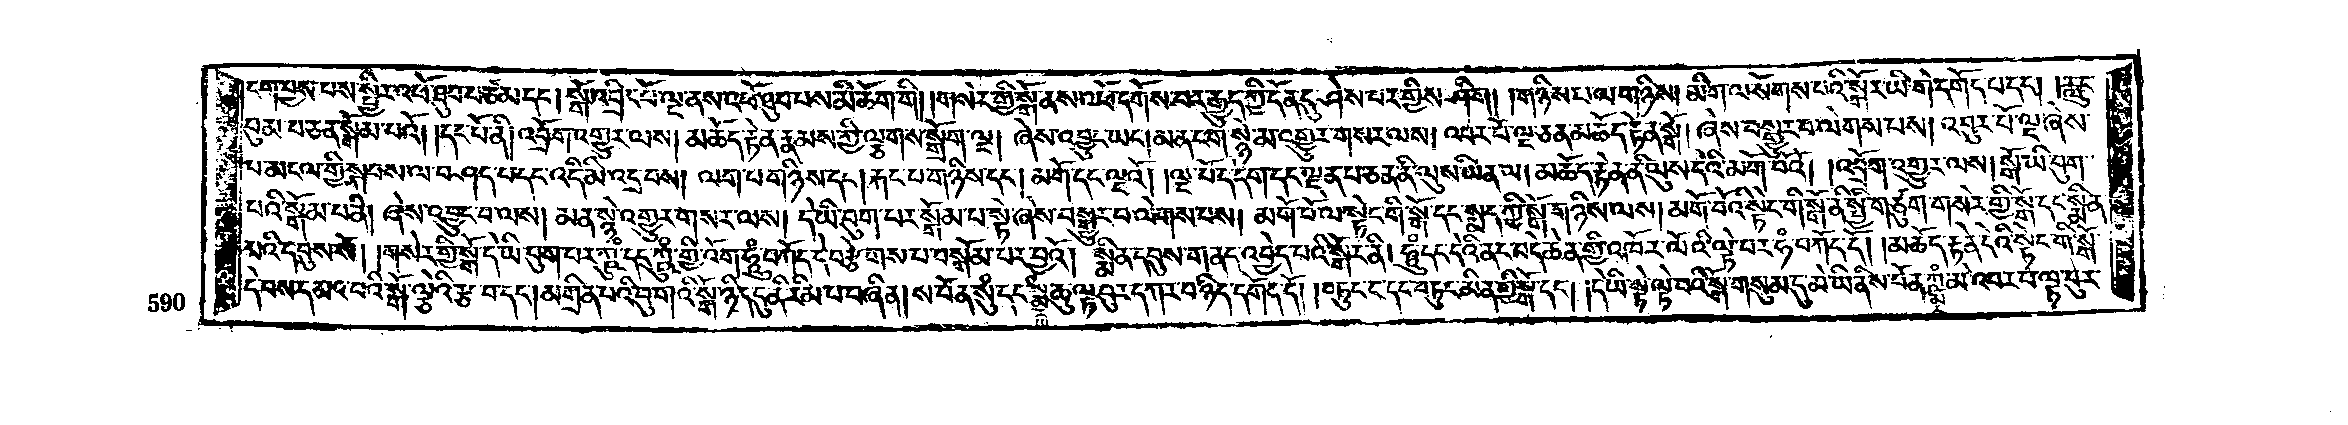ངག་བྱས་པས་སྤྱིར་འཕོ་ཐུབ་པ་ཙམ་དང་། སྒོ་འབྲིང་པོ་ལྔ་ནས་འཕོ་ཐུབ་པས་མི་ཆོག་གི །གསེར་གྱི་སྒོ་ནས་འཕོ་དགོས་བར་རྒྱུད་ཀྱི་དོན་དུ་ཤེས་པར་གྱིས་ཤིག །གཉིས་པ་ལ་གཉིས། མིག་ལ་སོགས་པའི་སྒོར་ཡི་གེ་དགོད་པ་དང་། །རླུང་
བུམ་པ་ཅན་སྒོམ་པའོ། །དང་པོ་ནི། འབྲོག་འགྱུར་ལས། མཆོད་རྟེན་རྣམས་ཀྱི་ལྕགས་སྒྲོག་ལྔ། ཞེས་འབྱུང་ཡང་། མན་ངག་སྙེ་མ་འགྱུར་གསར་ལས། འབར་པོ་ལྔ་ཅན་མཆོད་རྟེན་སྒོ །ཞེས་བསྒྱུར་བ་ལེགས་པས། འབུར་པོ་ལྔ་ཞེས་
པ་མངལ་གྱི་སྐབས་ལ་བཤད་པ་དང་འདི་མི་འདྲ་བས། ལག་པ་གཉིས་དང་། རྐང་པ་གཉིས་དང་། མགོ་དང་ལྔའོ། །ལྔ་པོ་དེ་དག་དང་ལྡན་པ་ཅན་ནི་ལུས་ཡིན་ལ། མཆོད་རྟེན་ནི་ལུས་དེའི་མགོ་བོའོ། །འབྲོག་འགྱུར་ལས། སྒོ་ཡི་བུག་
པའི་སྒོམ་པ་ནི། ཞེས་འབྱུང་བ་ལས། མན་སྙེ་འགྱུར་གསར་ལས། དེ་ཡི་བུག་པར་སྒོམ་པ་སྟེ་ཞེས་བསྒྱུར་བ་ལེགས་པས། མགོ་བོ་ལ་སྟེང་གི་སྒོ་དང་སྨད་ཀྱི་སྒོ་གཉིས་ལས། མགོ་བོའི་སྟེང་གི་སྒོ་ནི་སྤྱི་གཙུག་གསེར་གྱི་སྒོ་དང་སྨིན་
མའི་དབུས་སོ། །གསེར་གྱི་སྒོ་དེ་ཡི་བུག་པར་ཀྵུཾ་དང་ཀྵུཾ་གྱི་འོག་ཧཱུཾ་བཀོད་དེ་བརྩེགས་པ་བསྒོམ་པར་བྱའོ། །སྨིན་དབུས་གནད་འབྱེད་པའི་སྒོར་ནི། ཧཱུཾ་དང་དེའི་ནང་བདེ་ཆེན་གྱི་འཁོར་ལོའི་ལྟེ་བར་ཧཾ་བཀོད་དོ། །མཆོད་རྟེན་དེའི་སྟེང་གི་སྒོ་
དེ་བས་དམའ་བའི་སྒོ་ལྕེའི་རྩ་བ་དང་། མགྲིན་པའི་བུ་གའི་སྒོ་ཉིད་དུ་ནི་རིམ་པ་བཞིན། ས་བོན་སུཾ་དང་སྨྲི་?་ཆུ་ལྟ་བུར་དཀར་བ་ཉིད་དགོད་དོ། །བཏུང་བ་དང་བཏུང་མིན་གྱི་སྒོ་དང་། །དེ་ཡི་སྟེ་ལྟེ་བའི་སྒོ་གསུམ་དུ་མེ་ཡི་ནི་ས་བོན་ཀྵཾཨར་?་མེ་འབར་བ་ལྟ་བུར་